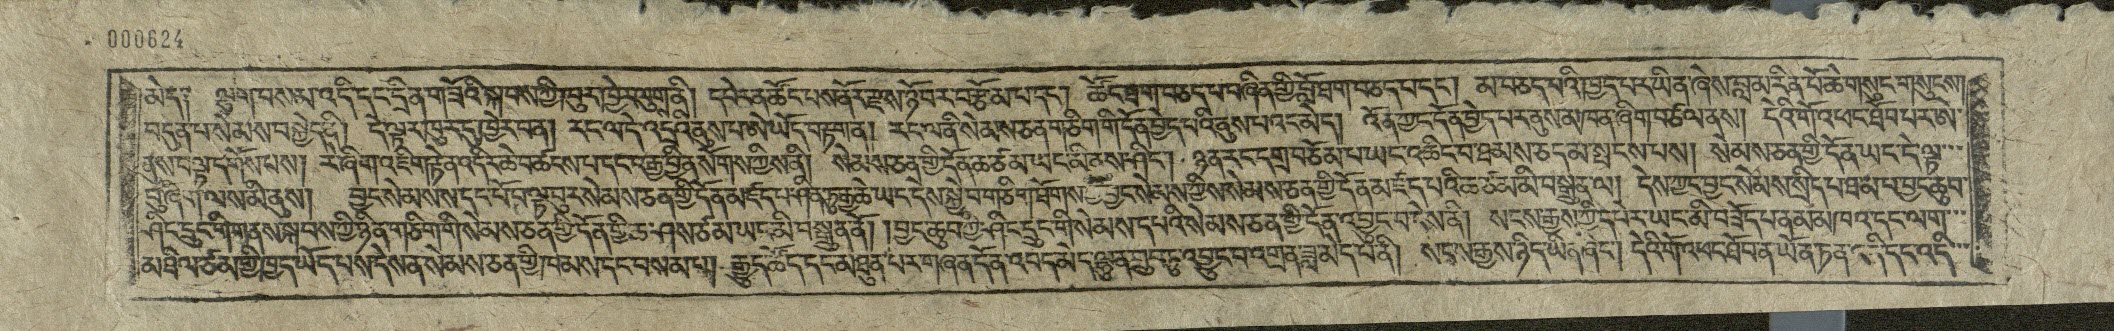མེད༑ ལྷག་བསམ་འདི་དང་དྲིན་གཟོའི་སྐབས་ཀྱི་ཁུར་ཁྱེར་ལུགས་ནི། དཔེར་ན་ཚོང་པས་ནོར་རྫས་ཉོ་བར་བརྩོམ་པ་དང་། ཚོང་ཐག་བཅད་པ་བཞིན་གྱི་བློ་ཐག་བཅད་པ་དང་། མ་བཅད་པའི་ཁྱད་པར་ཡིན་ཞེས་བླ་མ་རིན་པོ་ཆེ་གསུང་གསུངས།
བདུན་པ་སེམས་བསྐྱེད་ནི། དེ་ལྟར་ཁུར་དུ་ཁྱེར་བ་ན། རང་ལ་དེ་འདྲའི་ནུས་པ་ཨེ་ཡོད་བརྟག་ན། རང་ལ་ནི་སེམས་ཅན་གཅིག་གི་དོན་བྱེད་པའི་ནུས་པའང་མེད། འོན་ཀྱང་དོན་བྱེད་པར་ནུས་མཁན་ཞིག་བཙལ་ནས། དེའི་གོ་འཕང་ཐོབ་པར་ཨེ་
ནུས་བལྟ་དགོས་པས། རེ་ཞིག་འཇིག་རྟེན་འདིར་ཆེ་བ་ཚངས་པ་དང་བརྒྱ་བྱིན་སོགས་ཀྱིས་ནི། སེམས་ཅན་གྱི་དོན་ཆ་ཙམ་ཡང་མི་ནུས་ཤིང་། ཉན་རང་དགྲ་བཅོམ་པ་ཡང་འཆིང་བ་ཐམས་ཅད་མ་སྤངས་པས། སེམས་ཅན་གྱི་དོན་ཡང་དེ་ལྟ་
བུ་ཞིག་ལས་མི་ནུས། བྱང་སེམས་ས་དང་པོ་བ་ལྟ་བུར་སེམས་ཅན་གྱི་དོན་མཛད་པ་ཤིན་ཏུ་རྒྱ་ཆེ་ཡང་དེས་སྐྱེ་བ་གཅིག་ཐོགས་ཀྱི་བྱང་སེམས་ཀྱིས་སེམས་ཅན་གྱི་དོན་མཛད་པའི་ཆ་ཙམ་མི་བསྒྲུན་ལ། དེས་ཀྱང་བྱང་སེམས་སྲིད་པ་ཐ་མ་པ་བྱང་ཆུབ་
ཤིང་དྲུང་གི་གནས་སྐབས་ཀྱི་ཉིན་གཅིག་གི་སེམས་ཅན་གྱི་དོན་གྱི་ཆ་ཤས་ཙམ་ཡང་མི་བསྒྲུན་ནོ། །བྱང་ཆུབ་ཀྱི་ཤིང་དྲུང་གི་སེམས་དཔའི་སེམས་ཅན་གྱི་དོན་འབྱུང་བ་དེས་ནི། སངས་རྒྱས་ཀྱི་དཔེར་ཡང་མི་བཟོད་པ་ནམ་མཁའ་དང་ལག་
མཐིལ་ཙམ་གྱི་ཁྱད་ཡོད་པས་དེས་ན་སེམས་ཅན་གྱི་ཁམས་དང་བསམ་པ། རྒྱུད་ཚོད་དང་མཐུན་པར་གཞན་དོན་འབད་མེད་ལྷུན་གྲུབ་ཏུ་འབྱུང་བ་འགྲན་ཟླ་མེད་པ་ནི། སངས་རྒྱས་ཉིད་ཡིན་ཞིང་། དེའི་གོ་འཕང་ཐོབ་ན་ཡོན་ཏན་འདི་དང་འདི་